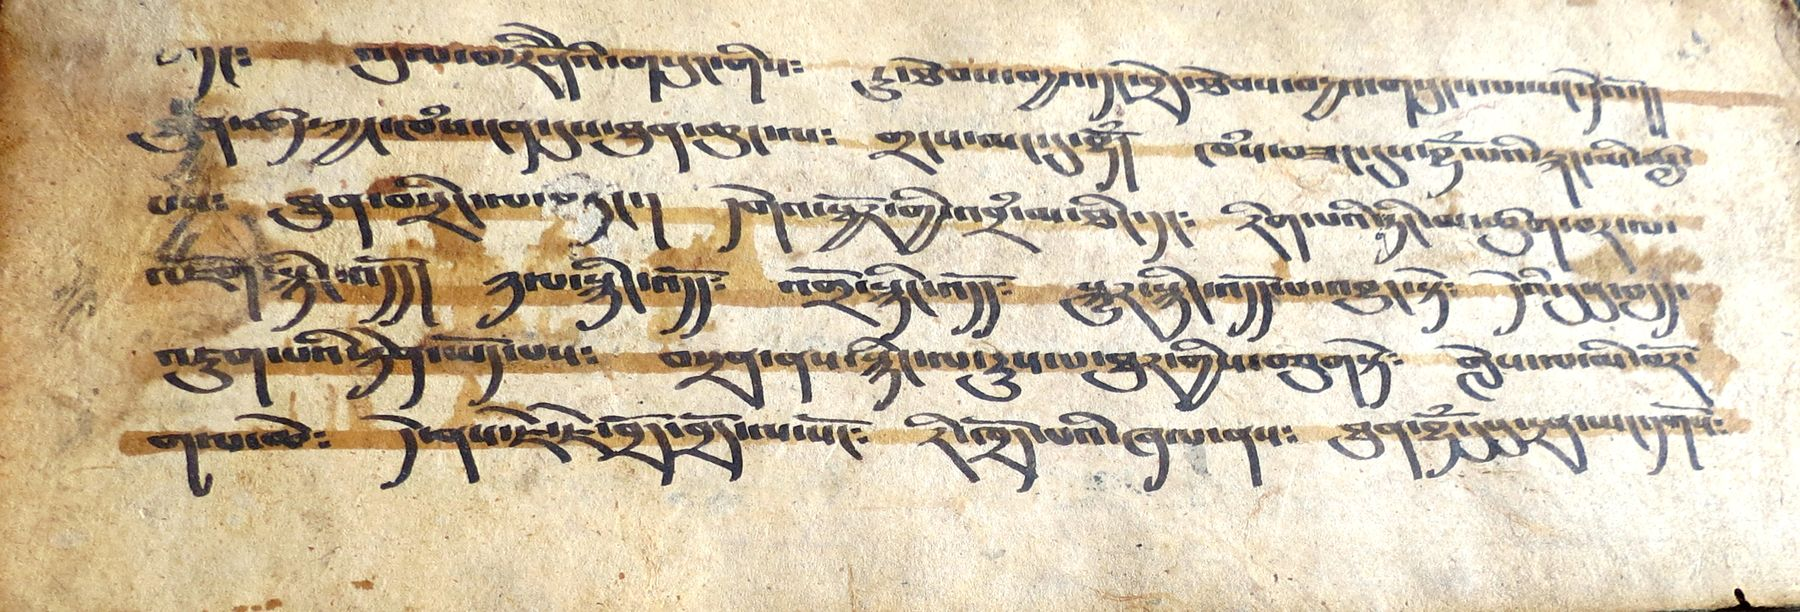པ་དང་། འདུལ་བ་རིན་པོ་ཆེའི་ཞལ་ནས། ངུ་ཐེབས་བརྒྱ་དང་བྲོད་ཐེབས་བརྒྱ་འབྱུང་གསུངས་པ་ཡང་དེའོ། ། 
ཐུན་ཚད་ཀྱང་ཁམས་ངན་དུས་སུ། .ཐུན་ཆུང་ལ་གྲངས་མང་བར་བསྒོམ། ཁམས་བཟང་དུས་སྒོམ་པའི་རྐང་མི་ཚུགས་
པར་ལ། ཐུན་བསྲིང་ལ་བཏང་། དགེ་སྦྱོར་གྱི་འགྲམ་མ་ཐིང་། རིག་པའི་གཏིང་མ་ཚུགས་པར་ལ་
འཇོག་སྙིང་འདོད། ཉལ་སྙིང་འདོད། འགྲོ་སྙིང་འདོད། སྐྱུར་སྙིང་འདོད་པ་འབྱུང་སྟེ། དེའི་དུས་སུ་བདུད་
འཇུག་པའི་ཉེན་ཡོད་པས། སྲན་ནས་སྙིང་ལ་རུས་པ་ཐུར་གྱིས་བཅུགས་ཏེ། གླེས་ལ་མི་འབོར་བ་
གལ་ཆེ། དེ་ནས་ཇེ་བྲོ་ཇེ་བྲོ་ལ་ཡོང་། རི་ཁྲོད་པའི་ཞལ་ནས། ཐུན་སྒོམ་དུས་སུ་དྲན་ཡང་དགོས།